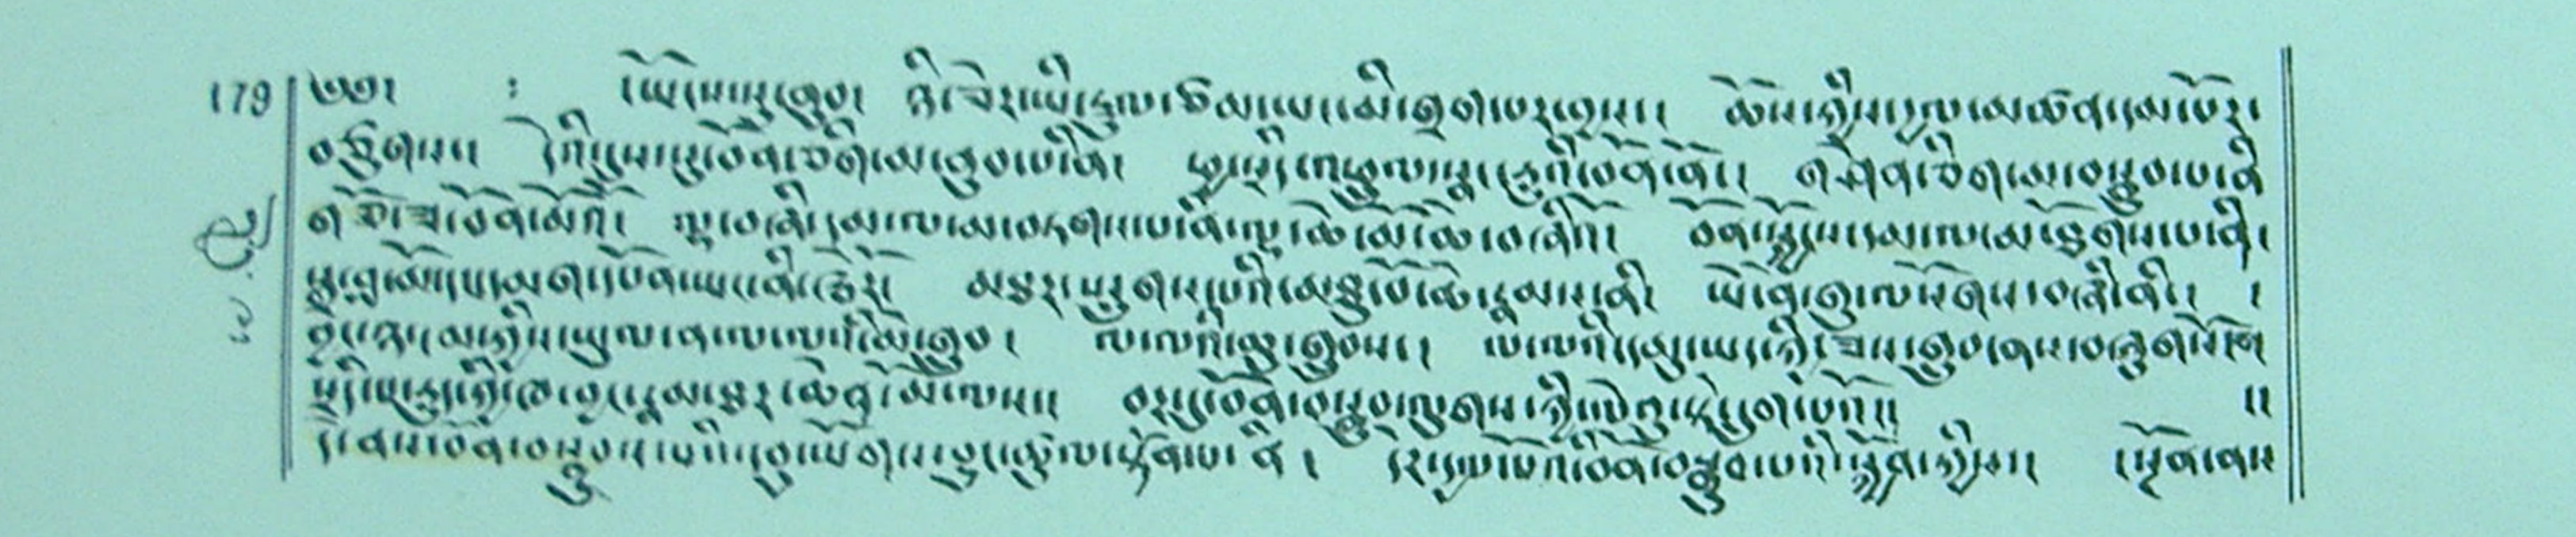༄༅། །ཡོངས་སུ་ནུབ། ཉི་ཟེར་གྱི་རྡུལ་ཙམ་ཡང་མི་གྲགས་པར་བྱས། ཆོས་ཀྱི་རྒྱལ་མཚན་དམ་པོར་
བཙུགས། དེའི་དུས་སུ་བོན་ཅིག་མ་ནུབ་པ་ནི། ཕྱྭ་སྲིད་འཕྲུལ་སྣང་རྒྱུའི་བོན་ནོ། །གཤེན་ཅིག་མ་ནུབ་པ་ནི་
གཅོ་ཟ་བོན་མོའོ། །ལྷ་བཞི་དམ་ལ་མ་བཏགས་པ་ནི་ལྷ་ཆེན་མོ་ཆེ་བཞིའོ། །བོན་སྐྱོངས་དམ་ལ་མ་ཐོགས་པ་ནི། 
སྒྲ་བླ་མོ་དང་དམག་དཔོན་ཡང་ནི་ཝེར། མཐར་སྤྲུགས་པའི་མཐུ་བོ་ཆེ་རྣམས་ནི། སྤེའུ་ནེ་གུ་ལ་སོགས་བཞི་ནི། 
བྱང་ཉ་ངམ་གྱི་ཡུལ་ན་ལ་ལས་ནི་མེ་གྲུབ། ལ་ལ་ཆུ་གྲུབས། ལ་ལའི་དམུ་ཡད་ཀྱི་ཟས་གྲུབ་ནས་བཞུགས་སོ། །
སྲིད་པ་རྒྱུད་ཀྱི་ཁ་བྱང་རྣམ་ཐར་ཆེན་མོ་ལས། བར་དུ་བོན་བསྣུབ་ལུགས་གྱི་ལེའུ་སྟེ་དྲུག་པའོ།། །། ༈ 
དེ་ནས་བོན་བསྣུབ་པའི་དབུ་ཡོག་བྱུང་ཚུལ་སྟོན་པ་ནི། དེར་རྒྱལ་པོའི་བོན་བསྣུབ་པའི་སྐྱོན་གྱིས། སྔོན་ནས་